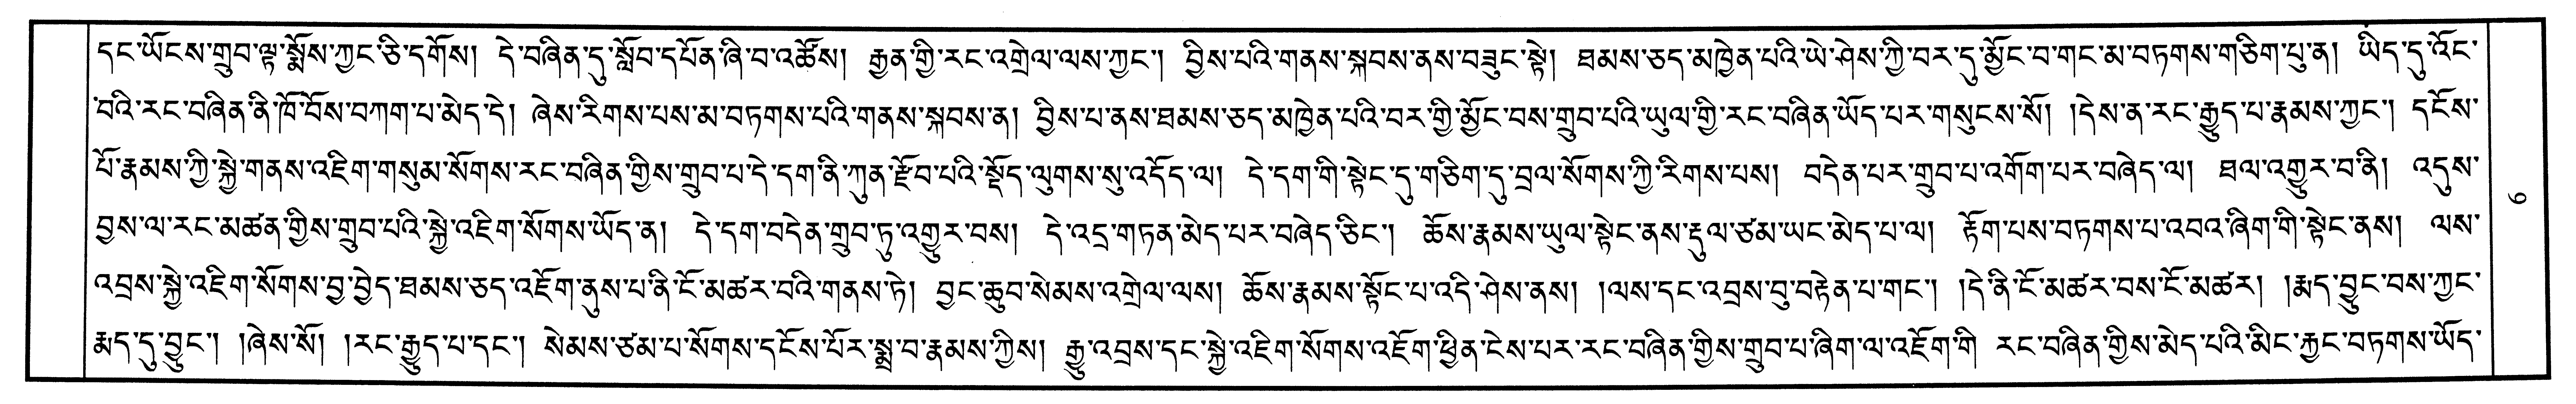དང་ཡོངས་གྲུབ་ལྟ་སྨོས་ཀྱང་ཅི་དགོས། དེ་བཞིན་དུ་སློབ་དཔོན་ཞི་བ་འཚོས། རྒྱན་གྱི་རང་འགྲེལ་ལས་ཀྱང་། བྱིས་པའི་གནས་སྐབས་ནས་བཟུང་སྟེ། ཐམས་ཅད་མཁྱེན་པའི་ཡེ་ཤེས་ཀྱི་བར་དུ་མྱོང་བ་གང་མ་བཏགས་གཅིག་པུ་ན། ཡིད་དུ་འོང་
བའི་རང་བཞིན་ནི་ཁོ་བོས་བཀག་པ་མེད་དེ། ཞེས་རིགས་པས་མ་བཏགས་པའི་གནས་སྐབས་ན། བྱིས་པ་ནས་ཐམས་ཅད་མཁྱེན་པའི་བར་གྱི་མྱོང་བས་གྲུབ་པའི་ཡུལ་གྱི་རང་བཞིན་ཡོད་པར་གསུངས་སོ། །དེས་ན་རང་རྒྱུད་པ་རྣམས་ཀྱང་། དངོས་
པོ་རྣམས་ཀྱི་སྐྱེ་གནས་འཇིག་གསུམ་སོགས་རང་བཞིན་གྱིས་གྲུབ་པ་དེ་དག་ནི་ཀུན་རྫོབ་པའི་སྡོད་ལུགས་སུ་འདོད་ལ། དེ་དག་གི་སྟེང་དུ་གཅིག་དུ་བྲལ་སོགས་ཀྱི་རིགས་པས། བདེན་པར་གྲུབ་པ་འགོག་པར་བཞེད་ལ། ཐལ་འགྱུར་བ་ནི། འདུས་
བྱས་ལ་རང་མཚན་གྱིས་གྲུབ་པའི་སྐྱེ་འཇིག་སོགས་ཡོད་ན། དེ་དག་བདེན་གྲུབ་ཏུ་འགྱུར་བས། དེ་འདྲ་གཏན་མེད་པར་བཞེད་ཅིང་། ཆོས་རྣམས་ཡུལ་སྟེང་ནས་རྡུལ་ཙམ་ཡང་མེད་པ་ལ། རྟོག་པས་བཏགས་པ་འབའ་ཞིག་གི་སྟེང་ནས། ལས་
འབྲས་སྐྱེ་འཇིག་སོགས་བྱ་བྱེད་ཐམས་ཅད་འཇོག་ནུས་པ་ནི་ངོ་མཚར་བའི་གནས་ཏེ། བྱང་ཆུབ་སེམས་འགྲེལ་ལས། ཆོས་རྣམས་སྟོང་པ་འདི་ཤེས་ནས། །ལས་དང་འབྲས་བུ་བརྟེན་པ་གང་། །དེ་ནི་ངོ་མཚར་བས་ངོ་མཚར། །རྨད་བྱུང་བས་ཀྱང་
རྨད་དུ་བྱུང་། །ཞེས་སོ། །རང་རྒྱུད་པ་དང་། སེམས་ཙམ་པ་སོགས་དངོས་པོར་སྨྲ་བ་རྣམས་ཀྱིས། རྒྱུ་འབྲས་དང་སྐྱེ་འཇིག་སོགས་འཇོག་ཕྱིན་ངེས་པར་རང་བཞིན་གྱིས་གྲུབ་པ་ཞིག་ལ་འཇོག་གི་རང་བཞིན་གྱིས་མེད་པའི་མིང་རྐྱང་བཏགས་ཡོད་